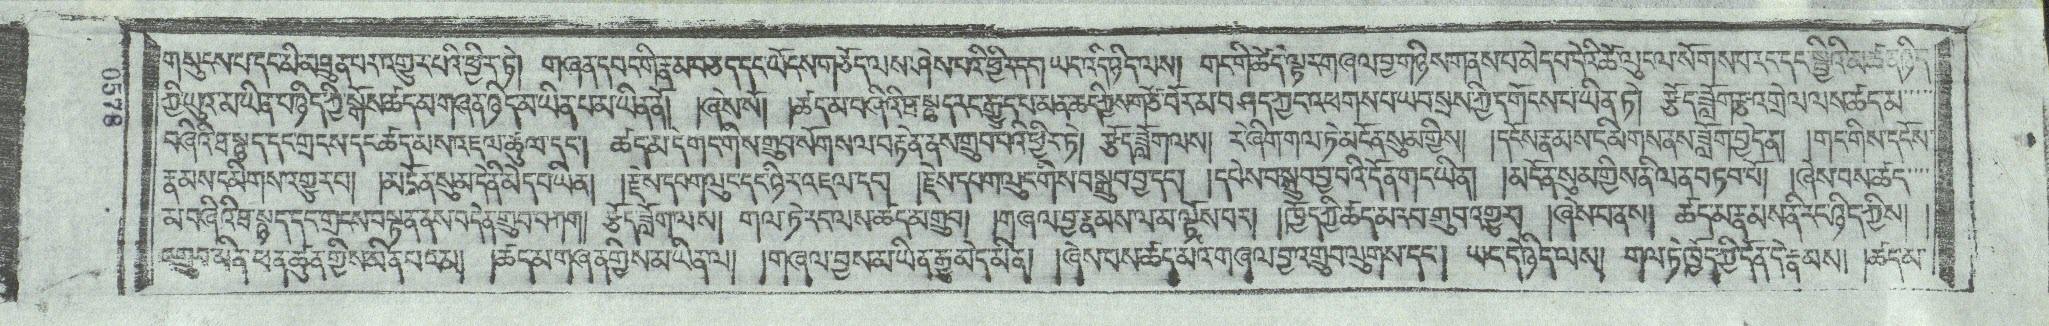གསུངས་པ་དང་མི་མཐུན་པར་འགྱུར་པའི་ཕྱིར་ཏེ། གཞན་དབང་གི་རྣམ་བཅད་དང་ཡོངས་གཅོད་ལས་ཤེས་པའི་ཕྱིར་དང་། ཡང་འདི་ཉིད་ལས། གང་གི་ཚེ་དེ་ལྟར་གཞལ་བྱ་གཉིས་གནས་པ་མེད་པ་དེའི་ཚེ་ལུང་ལ་སོགས་པ་རང་དང་སྤྱིའི་མཚན་ཉིད་
ཀྱི་ཡུལ་མ་ཡིན་པ་ཉིད་ཀྱི་སྒོས་ཚད་མ་གཞན་ཉིད་མ་ཡིན་པ་མ་ཡིན་ནོ། །ཞེས་སོ། །ཚད་མ་བཞིའི་ཐ་སྙད་རང་རྒྱུད་པ་མན་ཆད་ཀྱིས་གཙོ་བོར་མ་བཤད་ཀྱང་འཕགས་པ་ཡབ་སྲས་ཀྱི་དགོངས་པ་ཡིན་ཏེ། རྩོད་ཟློག་རྩ་འགྲེལ་ལས་ཚད་མ་
བཞིའི་ཐ་སྙད་དང་གྲངས་དང་ཚད་མས་འཇལ་ཚུལ་དང་། ཚད་མ་དེ་གང་གིས་གྲུབ་སོགས་ལ་བརྟེན་ནས་གྲུབ་པའི་ཕྱིར་ཏེ། རྩོད་ཟློག་ལས། རེ་ཞིག་གལ་ཏེ་མངོན་སུམ་གྱིས། །དངོས་རྣམས་དམིགས་ནས་ཟློག་བྱེད་ན། །གང་གིས་དངོས་
རྣམས་དམིགས་འགྱུར་པ། །མངོན་སུམ་དེ་ནི་མེད་པ་ཡིན། །རྗེས་དཔག་ལུང་དང་ཉིར་འཇལ་དང་། །རྗེས་དཔག་ལུང་གིས་བསྒྲུབ་བྱ་དང་། །དཔེས་བསྒྲུབ་བྱ་བའི་དོན་གང་ཡིན། །མངོན་སུམ་གྱིས་ནི་ལན་བཏབ་པོ། །ཞེས་པས་ཚད་
མ་བཞིའི་ཐ་སྙད་དང་གྲངས་བསྟན་ནས་བདེན་གྲུབ་བཀག། རྩོད་ཟློག་ལས། གལ་ཏེ་རང་ལས་ཚད་མ་གྲུབ། །གཞལ་བྱ་རྣམས་ལ་མ་ལྟོས་པར། །ཁྱོད་ཀྱི་ཚད་མ་རབ་གྲུབ་འགྱུར། །ཞེས་པ་ནས། ཚད་མ་རྣམས་ནི་རང་ཉིད་ཀྱིས། །
འགྲུབ་མིན་ཕན་ཚུན་གྱིས་མིན་པའམ། །ཚད་མ་གཞན་གྱིས་མ་ཡིན་ལ། །གཞལ་བྱས་མ་ཡིན་རྒྱུ་མེད་མིན། །ཞེས་པས་ཚད་མའི་གཞལ་བྱ་འགྲུབ་ལུགས་དང་། ཡང་དེ་ཉིད་ལས། གལ་ཏེ་ཁྱོད་ཀྱི་དོན་དེ་རྣམས། །ཚད་མ་